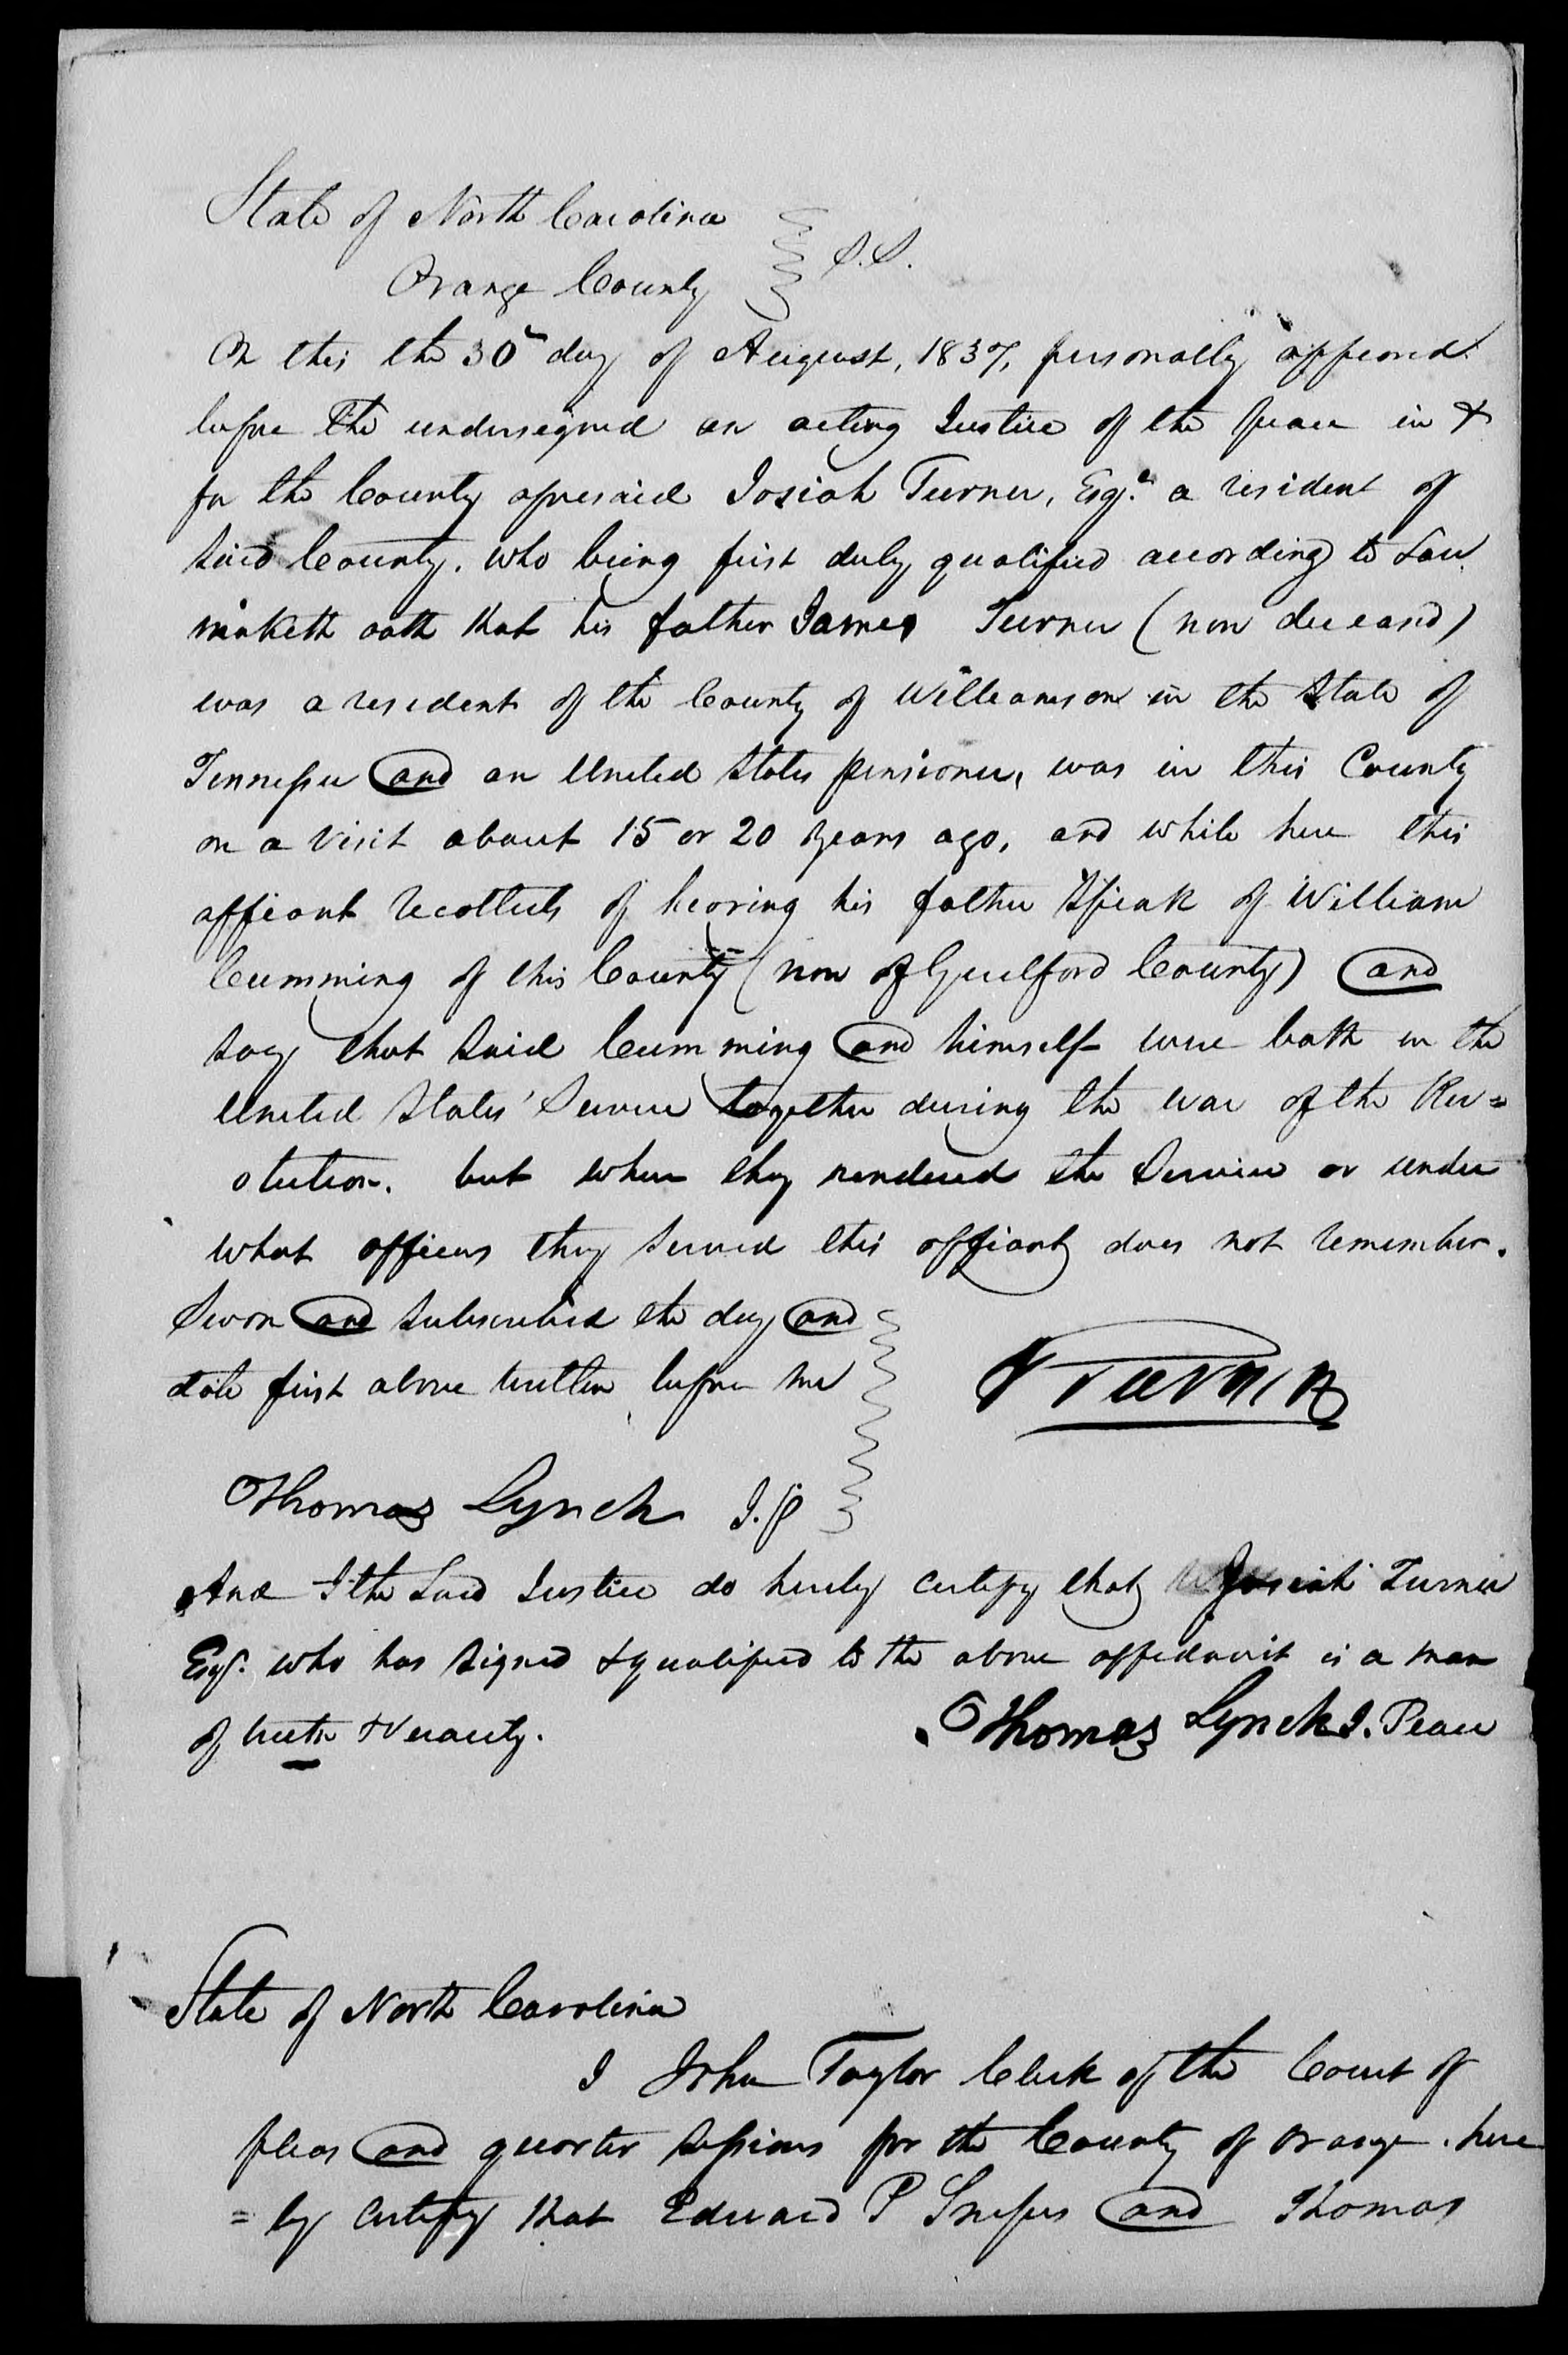[Handwritten record. First page of two re Josiah Turner, Esqr.'s statement.  Occasional spacing has been included to make the long text block easier to read.] 

State of North Carolina)
Orange County) S.S.

On this the 30th day of August, 1837, personally appeared before the undersigned an acting Justice of the peace in and for the County aforesaid Josiah Turner, Esqr. [Esquire] a resident of Said County. who being first duly qualified according to Law, maketh oath that his father James Turner (now deceased) was a resident of the County of Williamson in the State of Tennessee and an United States pensioner, was in this County on a visit about 15 or 20 years ago, and while here this affiant recollects of hearing his father Speak of William Cumming of this County (now of Guilford County) and say that Said Cumming and himself were both in the United States' Service together during the war of the Revolution. 

but where [or when] they rendered the Service or under what officers they Served this affiant does not remember.  

[Nearly illegible signature in dark ink, possibly:] J Turner

Sworn and Subscribed the day and)
date first above written before me) 

[Signature] Thomas Lynch J.P [Justice of the Peace])

And I the Said Justice do hereby Certify that [here there was an erasure of a word starting with the letter W--, which was overwritten to read:] Josiah Turner Esqr. [Esquire] who has Signed and qualified to the above affidavit is a Man of [here the following word is underlined:] truth and Veracity.

[Signature] Thomas Lynch J. Peace [Justice of the Peace]


State of North Carolina

I John Taylor Clerk of the Court of pleas and quarter Sessions for the County of Orange. hereby Certify that Edward P Snipes and Thomas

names: Thomas Lynch, Josiah Turner, William Cumming, Edward P Snipes, James Turner, Thomas, John Taylor, Cumming, Thomas Lynch, Josiah Turner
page: 117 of 145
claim: survivor's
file: S. 8265, William Cumming, N.C.